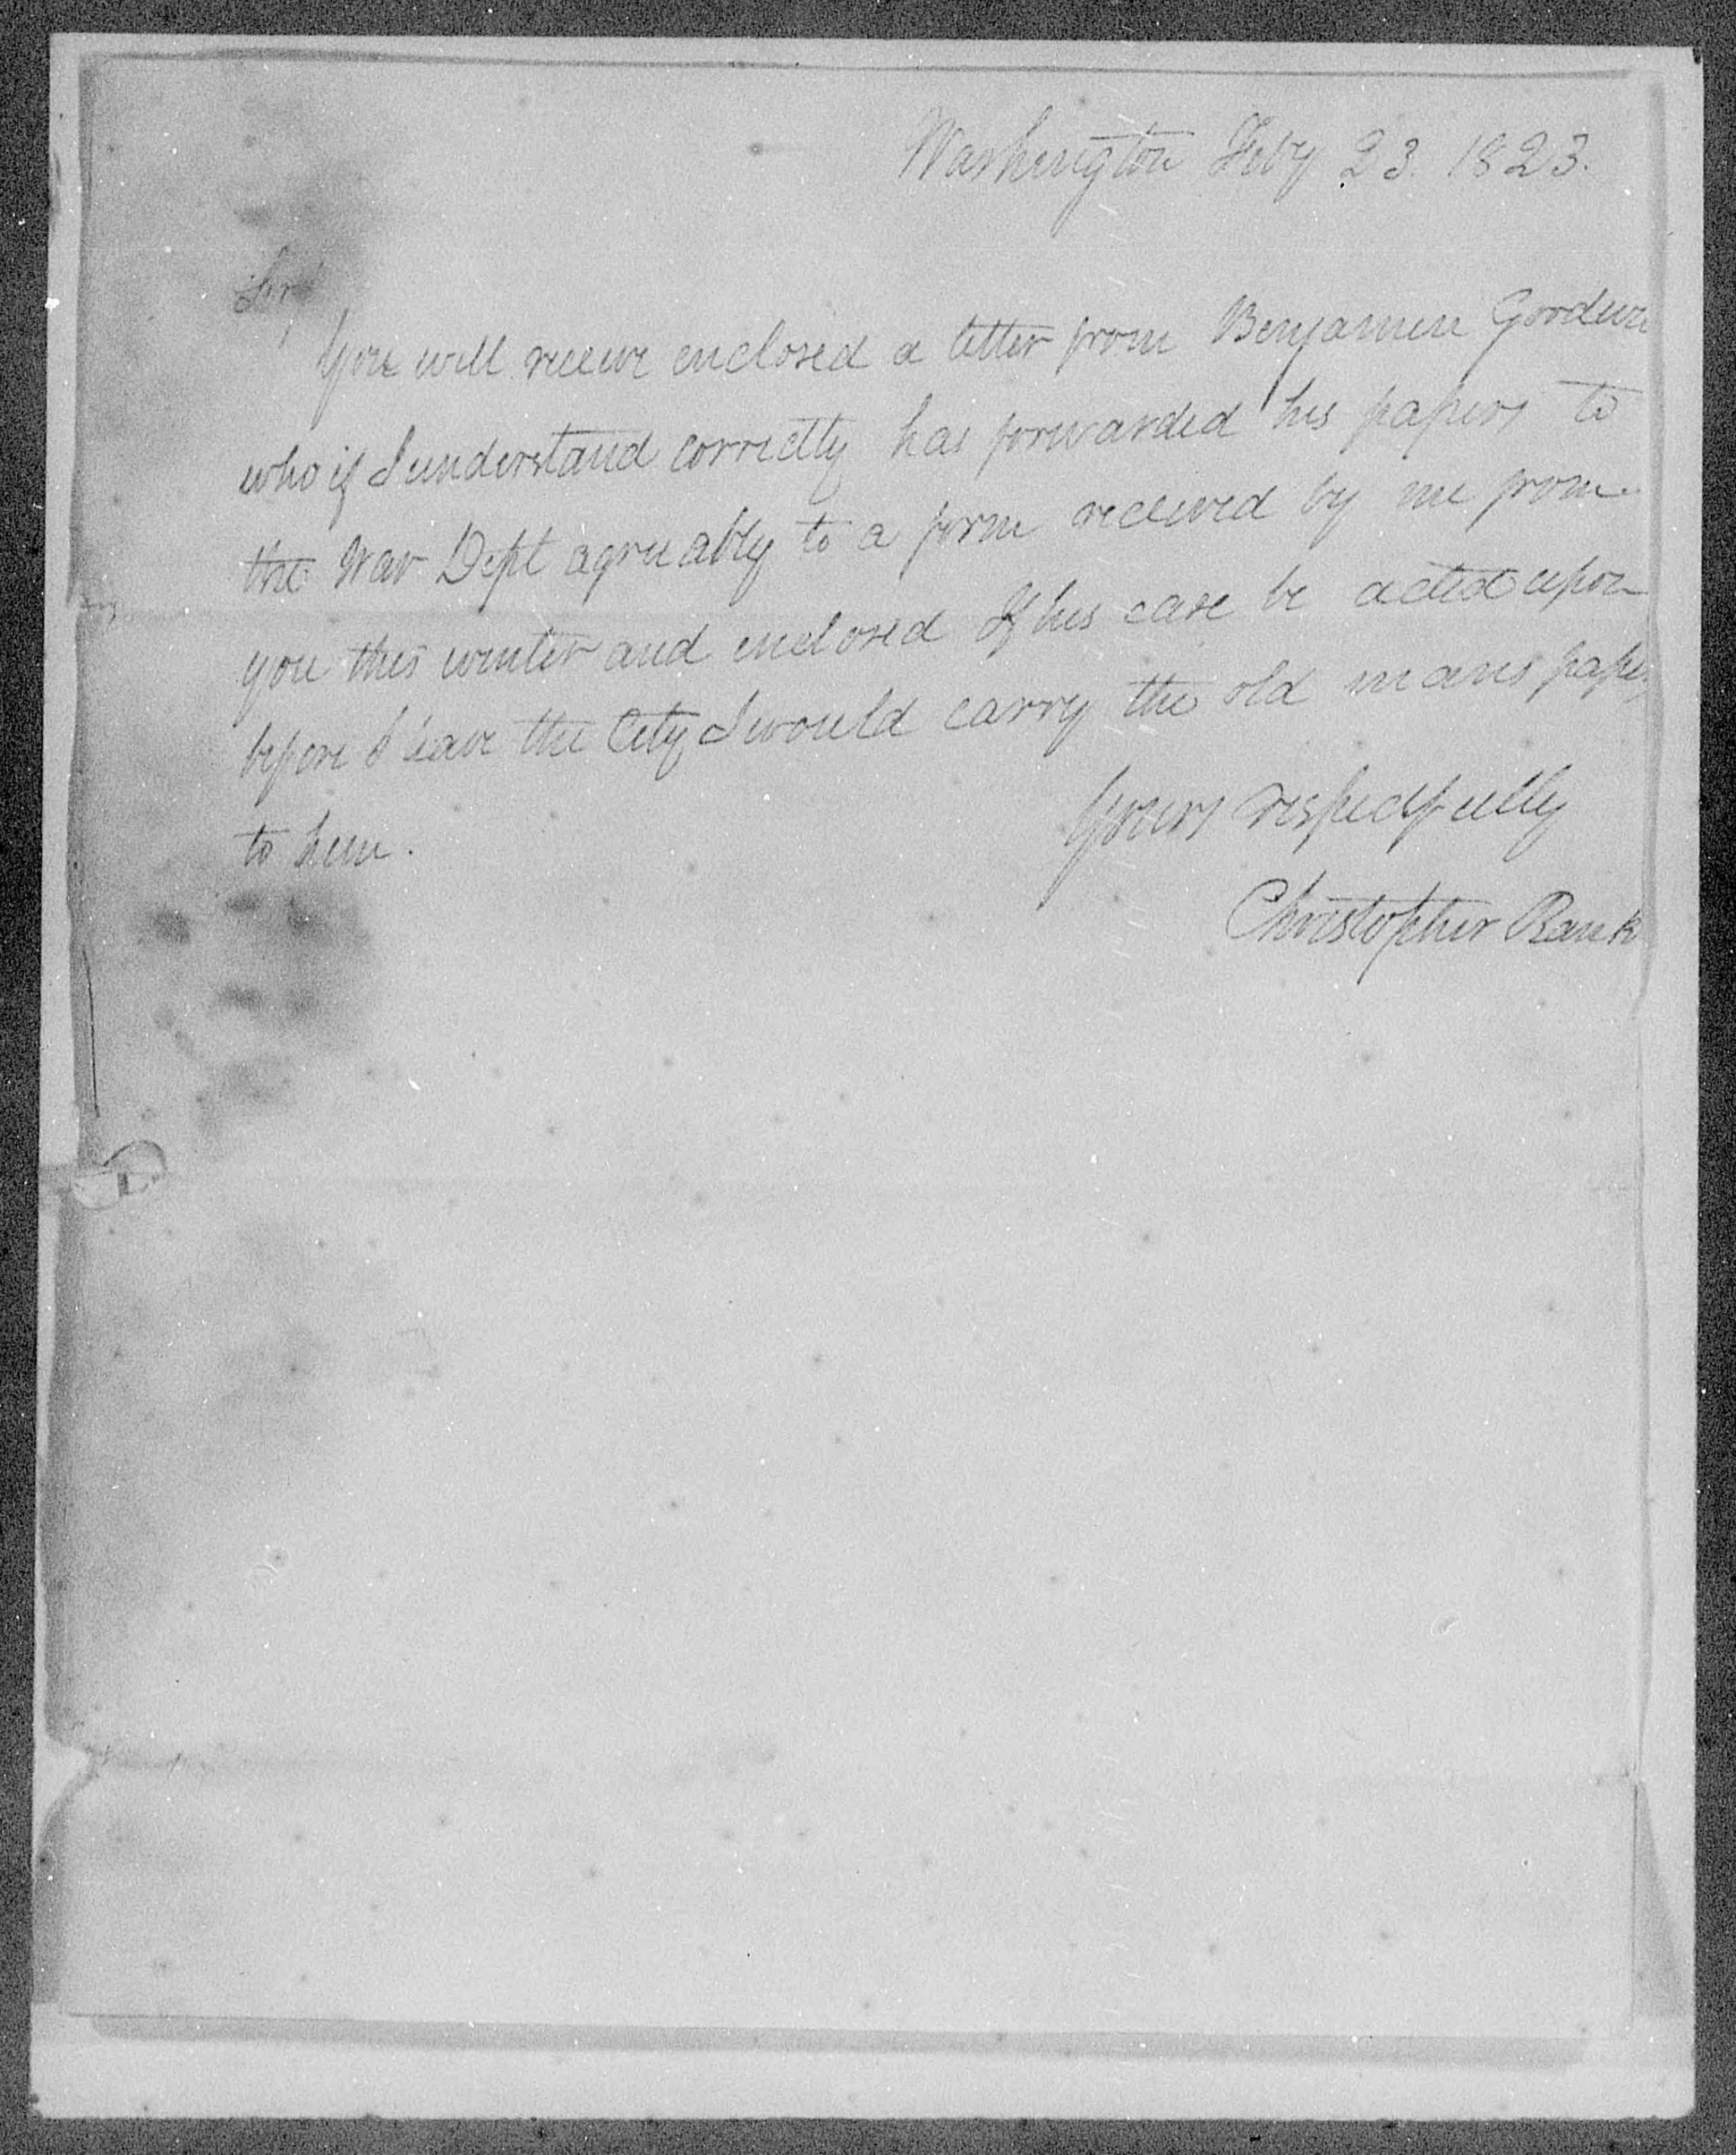Washington Feby 23 1823
Sir
You will receive enclosed a letter from Benjamin Goodwin who if I understand correctly has forwarded his papers to the War Dept. agruably (?) to a form received by me from you this winter and enclosed. I f his case be acted upon before I leave the City I would carry the old mans papers
to him.
Yours respectfully Christopher Rankin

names: Benjamin Goodwin, Christopher Rank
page: 18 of 24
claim: survivor's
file: S. 34903, Benjamin Goodwin, Va.